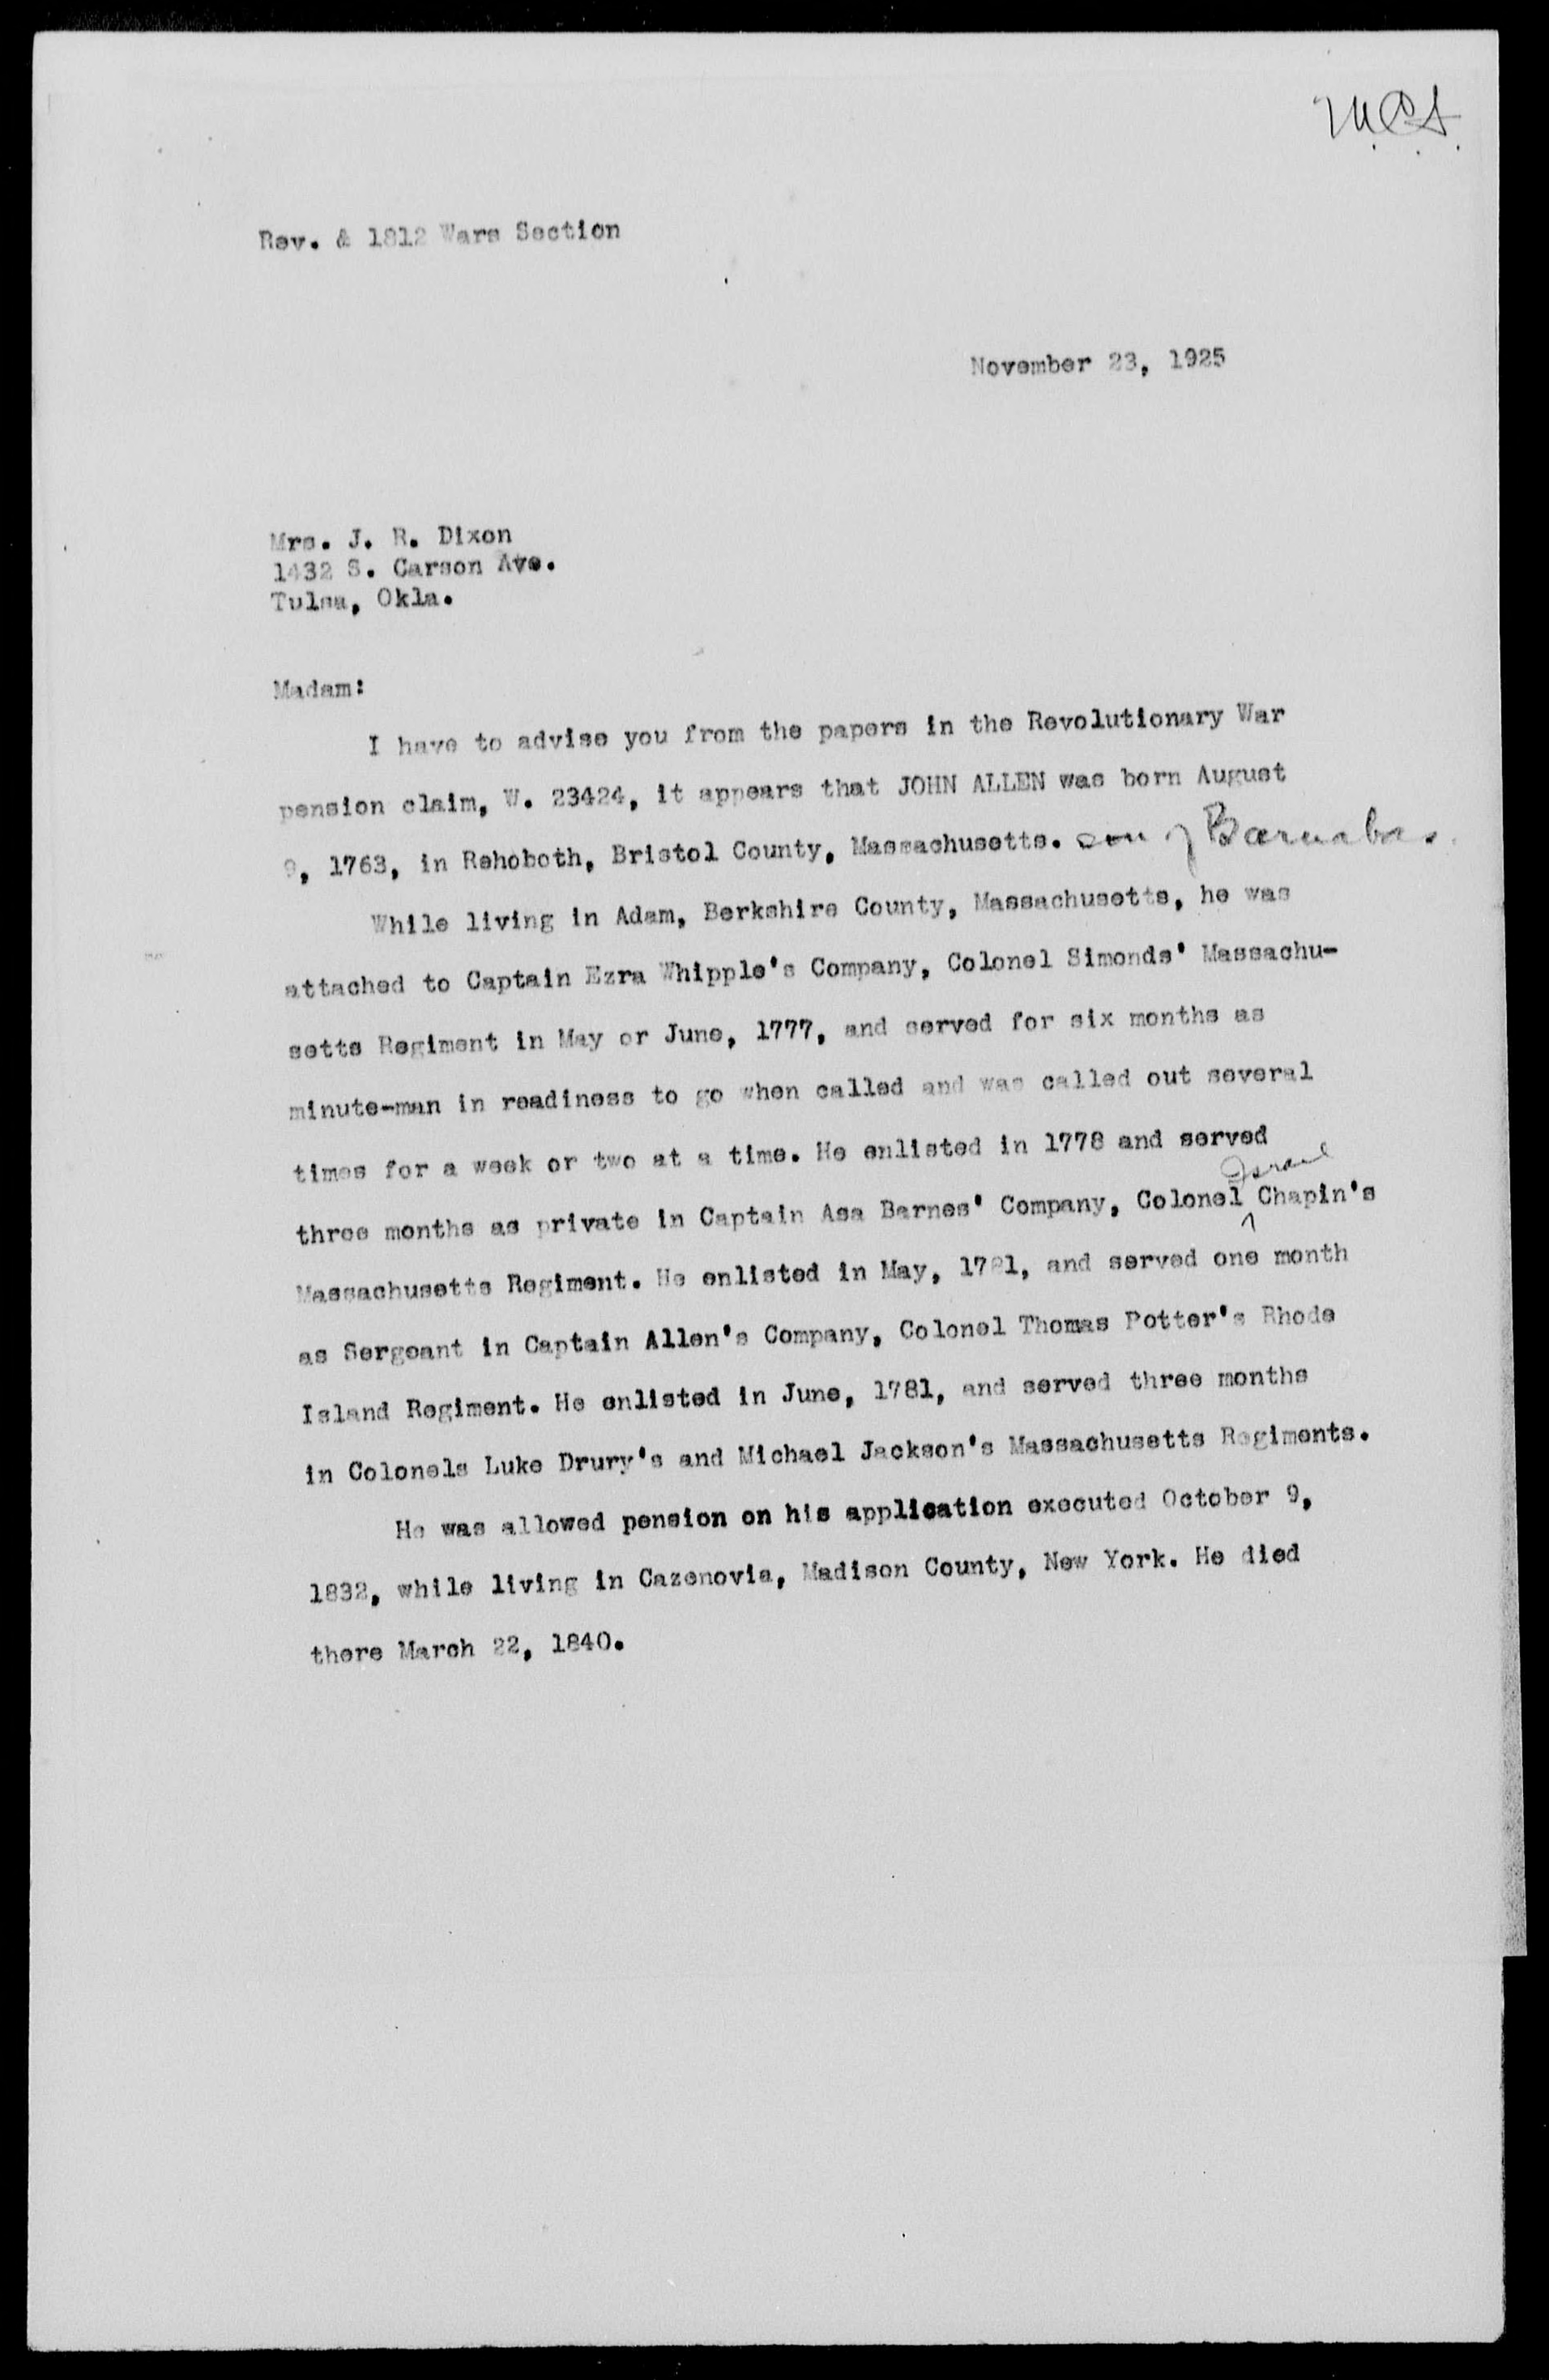[Top right corner] M.C.S.
Rev. & 1812 Wars Section 
November 23, 1925
Mrs. J. R. Dixon 1432 S. Carson Ave. Tulsa, Okla. 
Madam: I have to advise you from the papers in the Revolutionary War pension claim, W. 23424, it appears that JOHN ALLEN was born August 9 1763, in Rehoboth, Bristol County, Massachusetts, son of Barnabas. While living in Adam, Berkshire County, Massachusetts, he was attached to Captain Ezra Whipple's Company, Colonel Simonds' Massachusetts Regiment in May or June, 1777, and served for six months as minute-man in readiness to go when called and was called out several times for a week or two at a time. He enlisted in 1778 and served three months as private in Captain Asa Barnes' Company, Colonel ^Isreal Chapin's Massachusetts Regiment. He enlisted in May, 1781 and served one month as Sergeant in Captain Allen's Company, Colonel Thomas Potter's Rhode Island Regiment. He enlisted in June, 1781 and served three months in Colonel Luke Drury's and Michael Jackson's Massachusetts Regiments. He was allowed pension on his application executed October 9, 1832, while living in Cazenovia, Madison County, New York. He died there March 22, 1840.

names: Barnabas, John Allen, J R Dixon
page: 73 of 74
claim: widow's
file: W. 23424, John Allen, Mass. R. I.